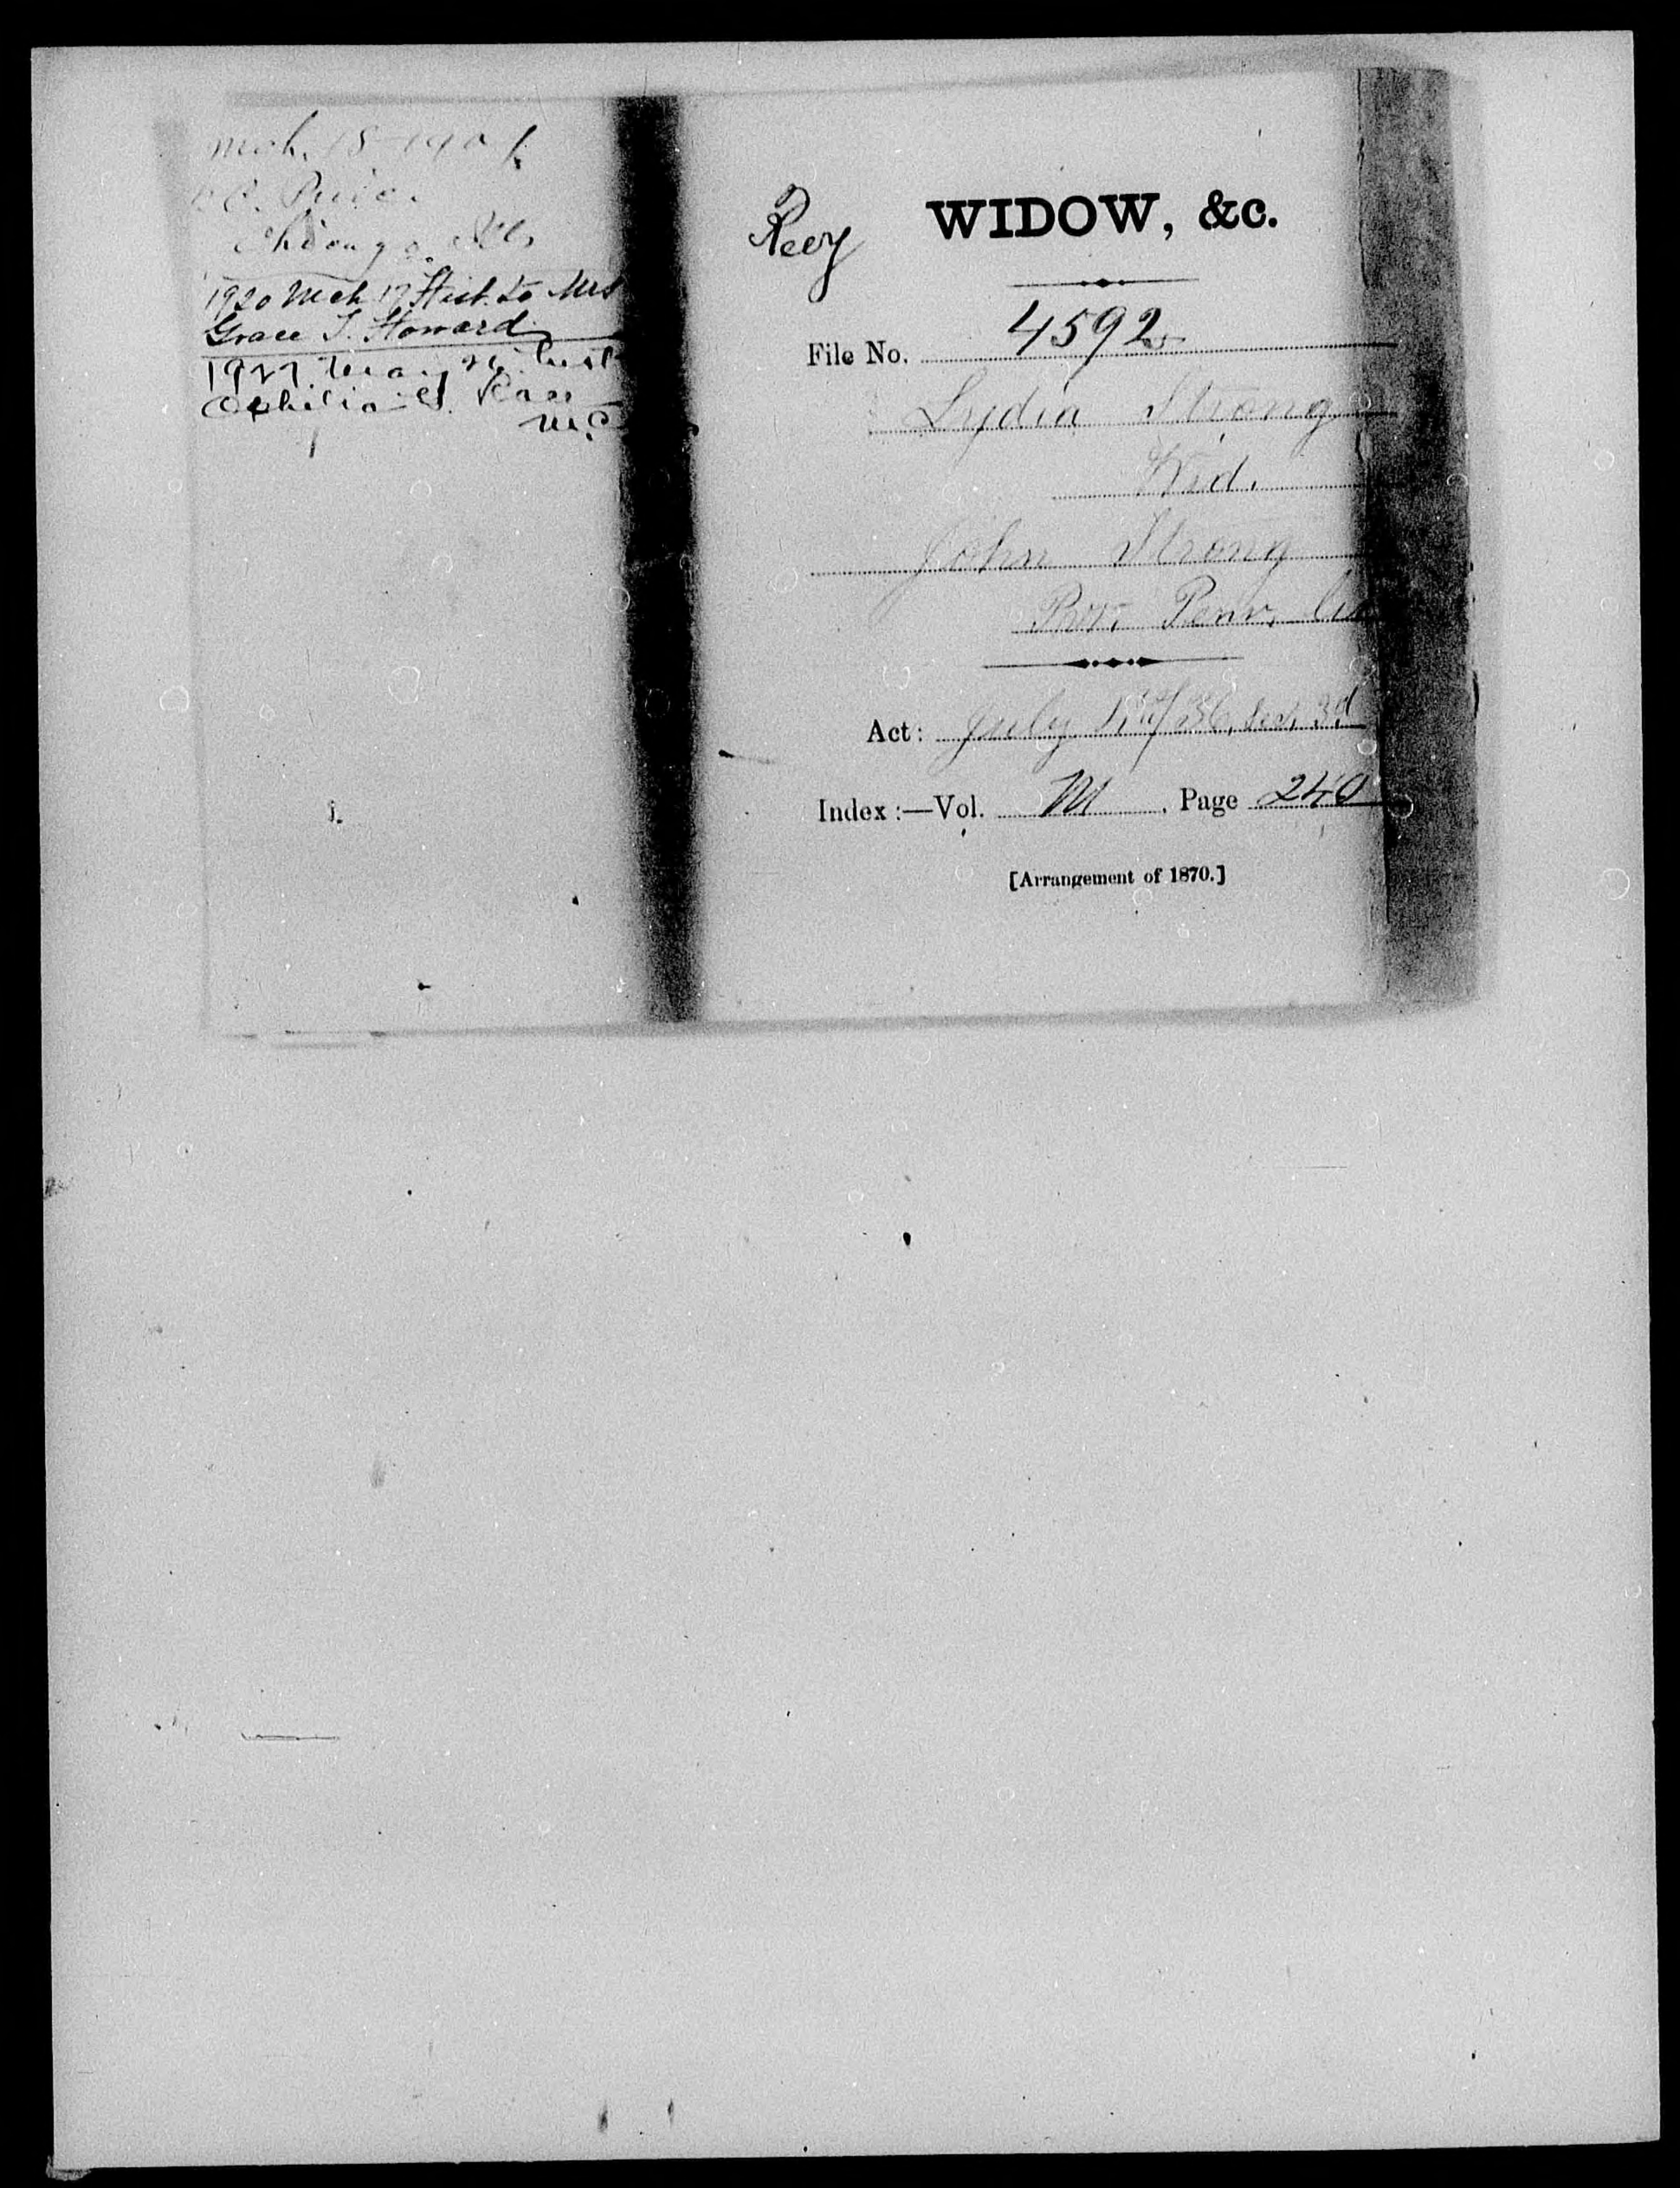Mch. 18 1901
G. C. Price
Chicago, Ill,
1920 Mch 17 Hist to Mrs. Grace T. Howard
1927 May 26 hist
Ophelia Race
M.C


Revy
WIDOW, &c.
File No. 4592
Lydia Strong
Wid. 
John Strong
Pvt. Penn. [illegible]
Act: July 4 /36, Sec, 3d ┃
Index: -- Vol.  M    Page  240┃
[Arrangement of 1870.}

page: 28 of 33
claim: widow's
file: W. 4592, for John Strong, New York